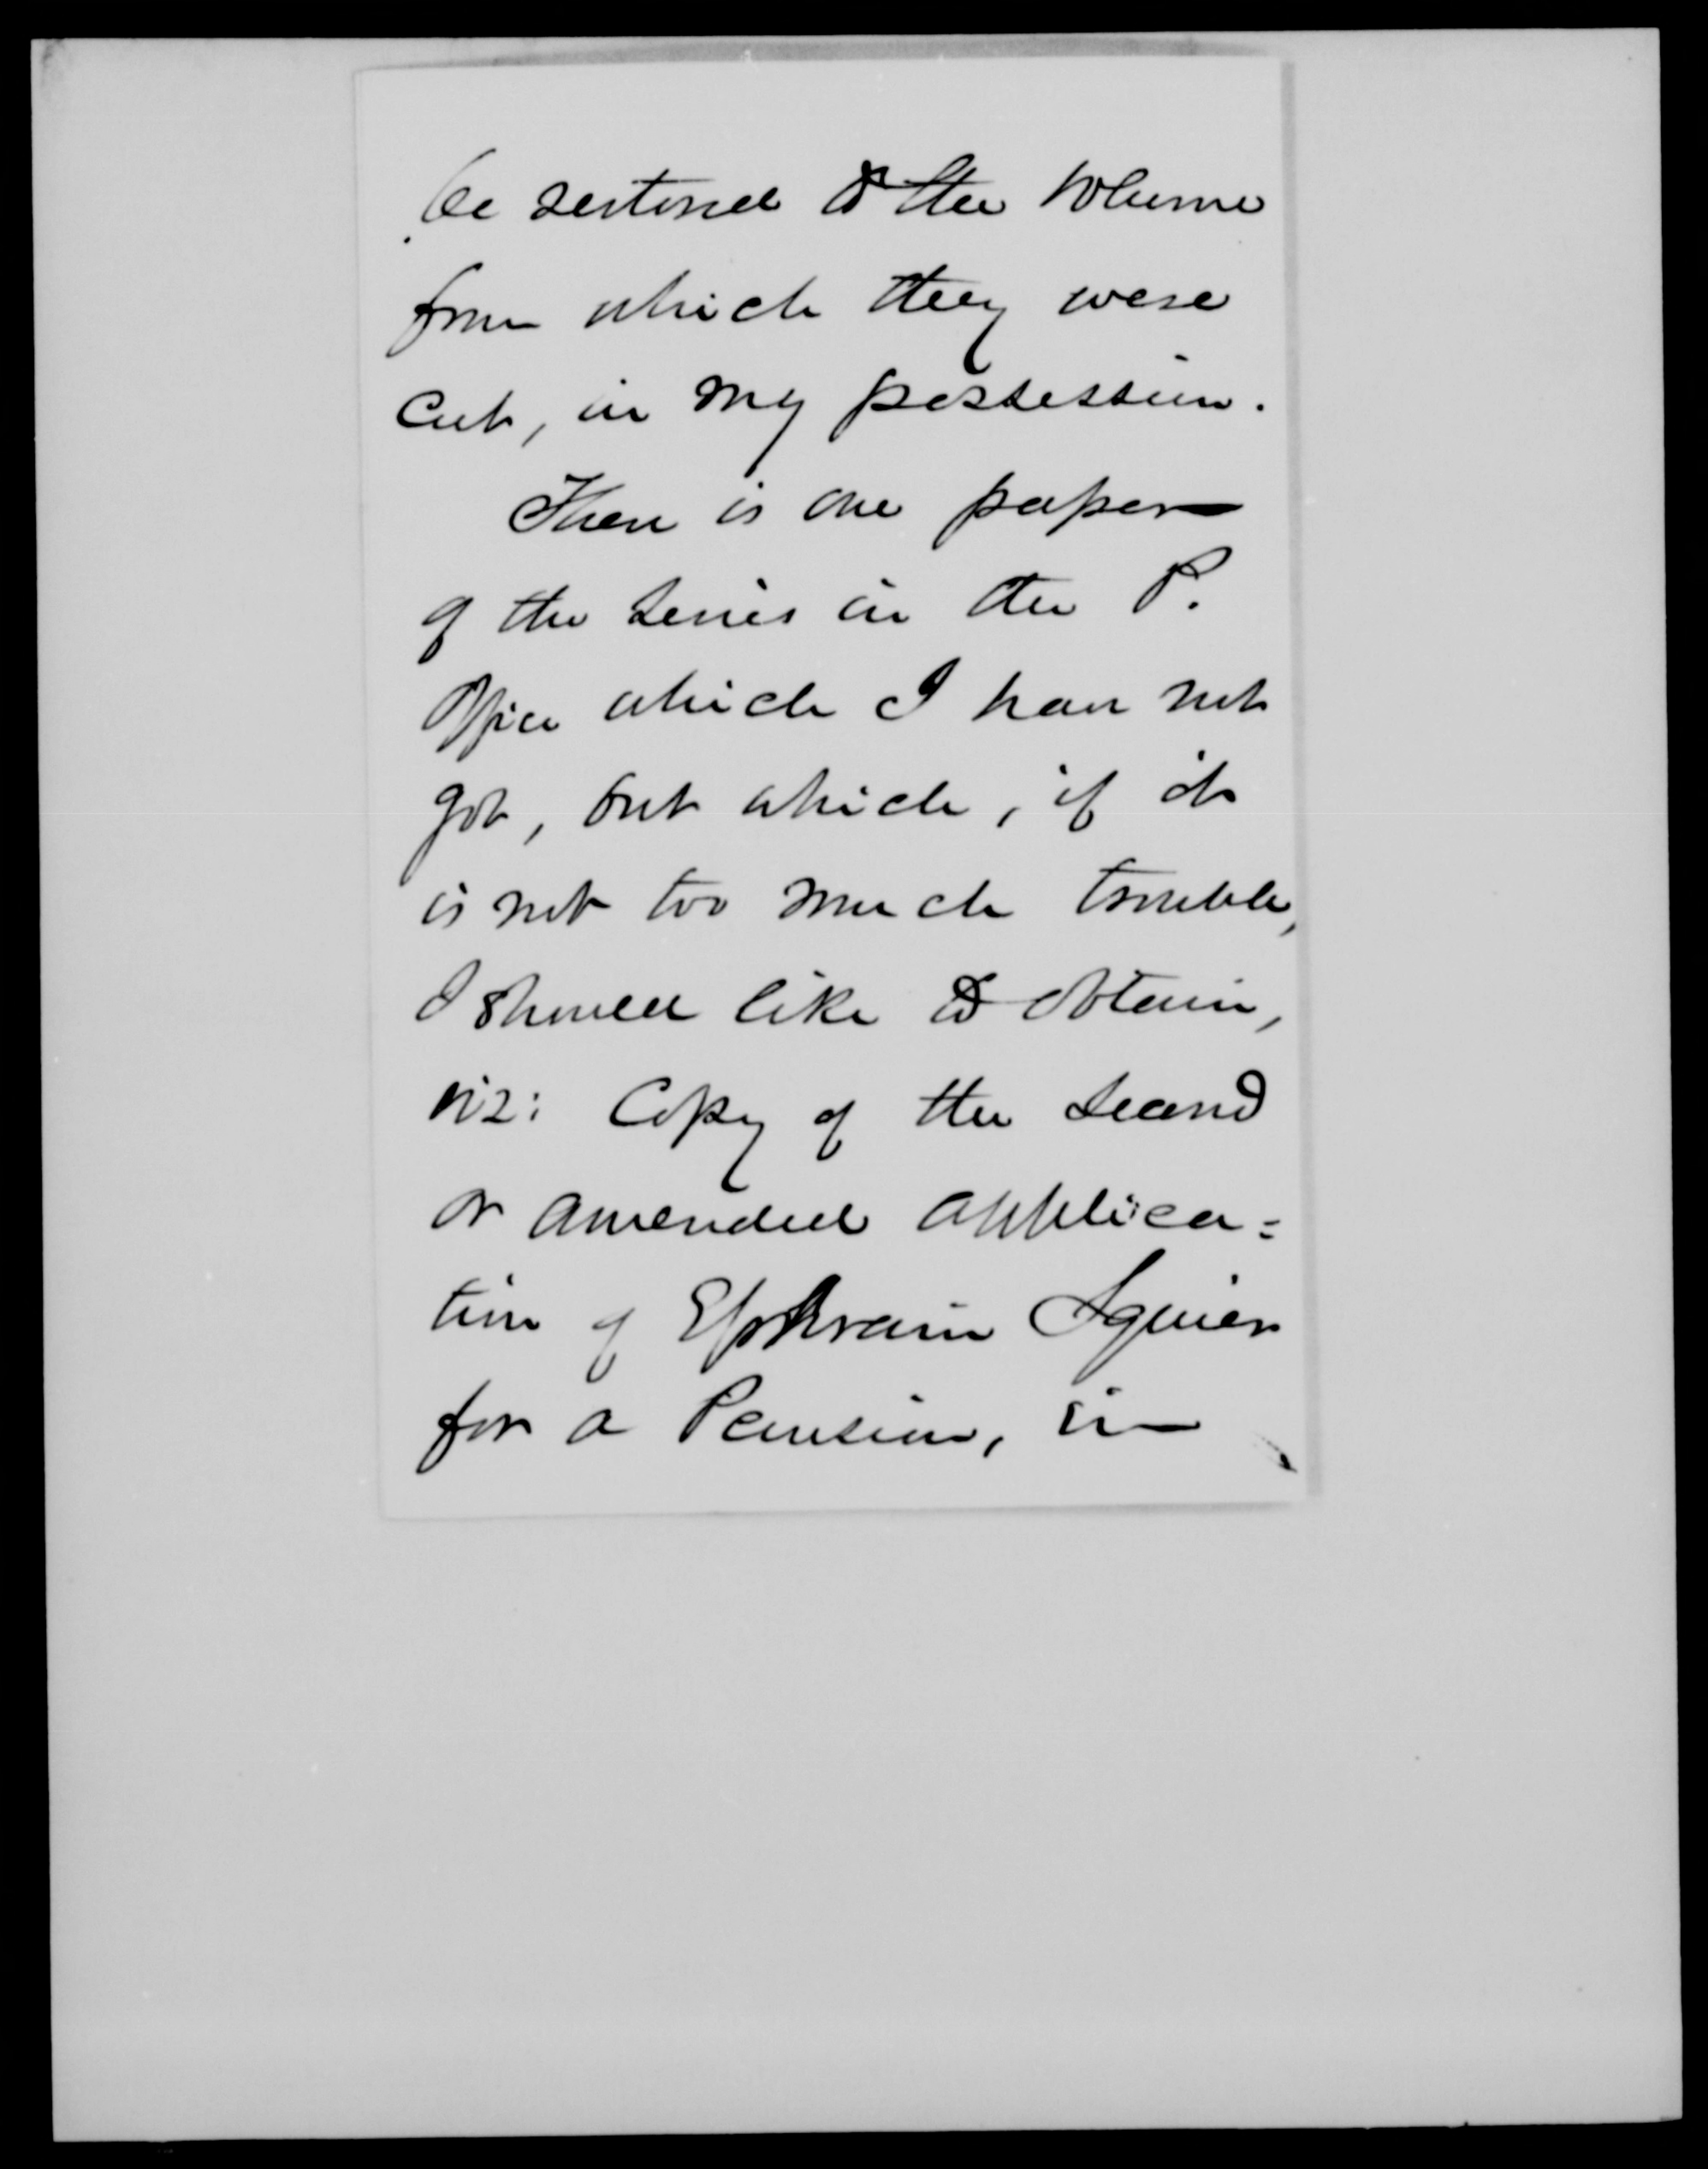be returned to the other whence from which they were [illegible] in my possession.
There is one paper of the series in the P. Office which I have much [illegible], but which, if it is not too much trouble I should like to obtain, it's: Copy of the second or amended application of Ephraim Squier for a pension, in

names: Ephrain Squier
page: 33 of 70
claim: rejected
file: R. 10,026, for Ephraim Squier, Connecticut